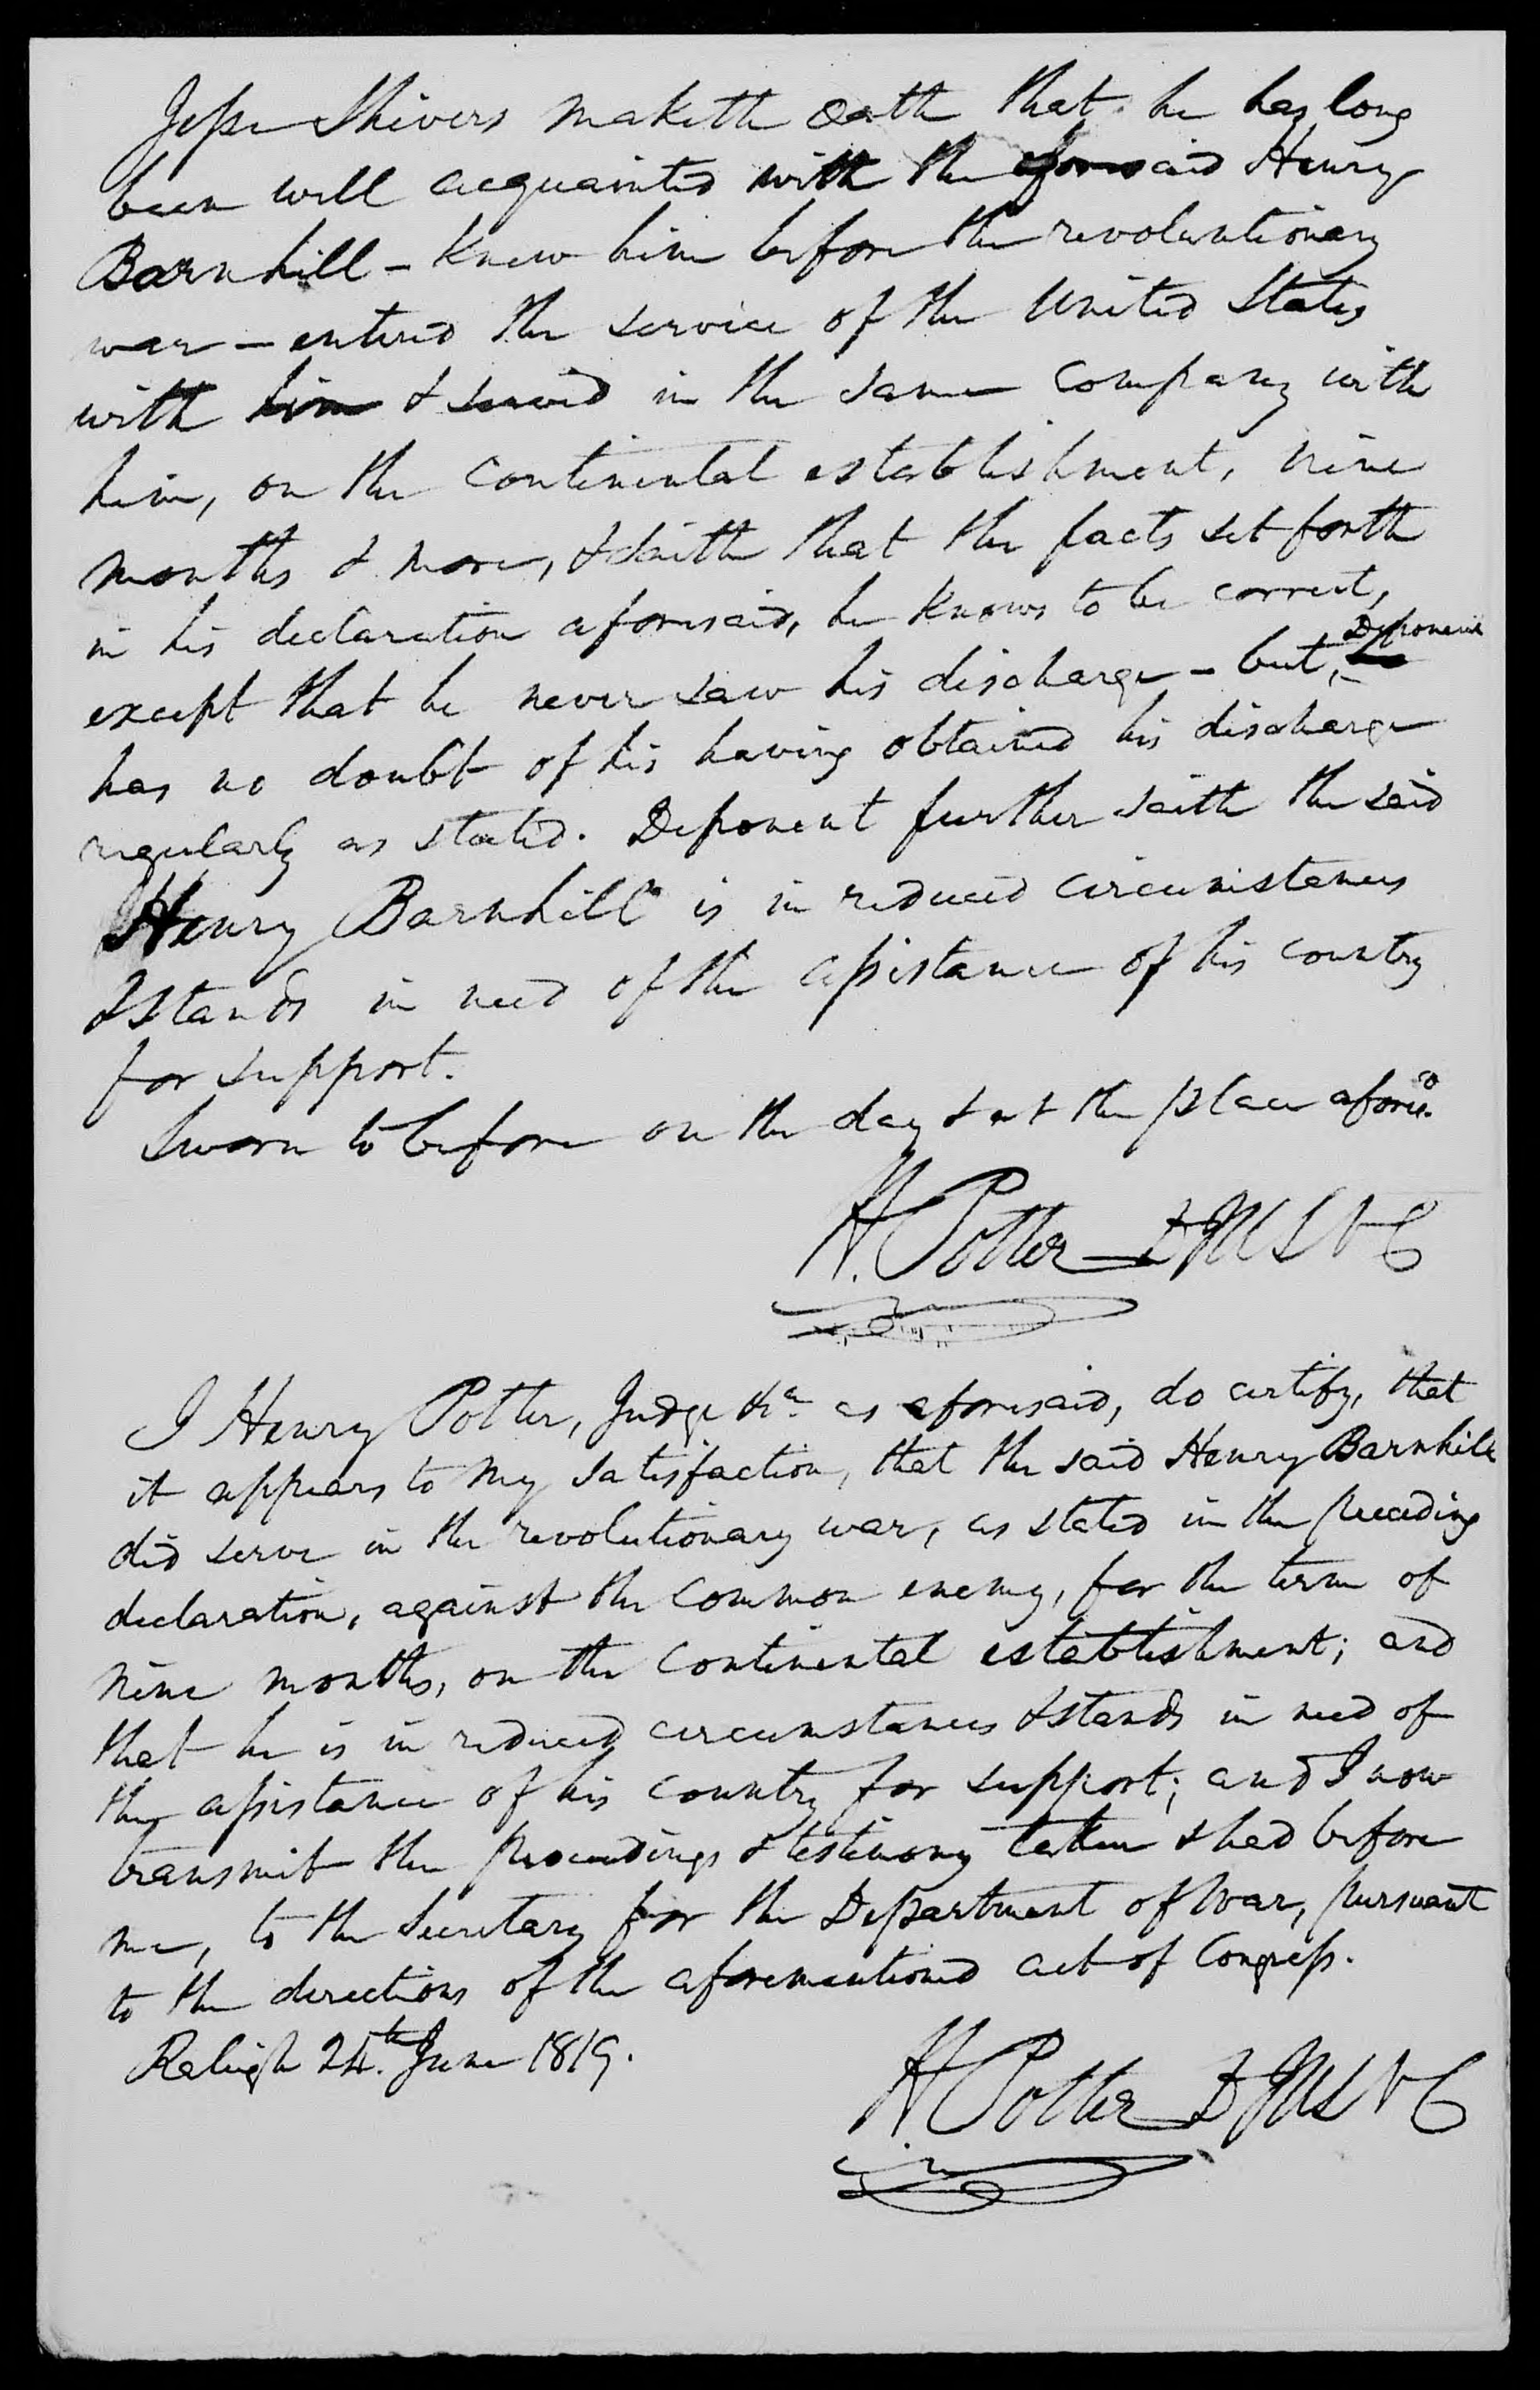Jesse Shivers maketh oath that he has long been well acquainted with the aforesaid Henry Barnhill - Knew him before the revolutionary war - entered the service of the United States with him & served in the same company with him, on the continental establishment, nine months & more, & saith that the facts set forth in his declaration aforesaid, he knows to be correct, except that he never saw his discharge - but, [crossed out] Deponent has no doubt of his having obtained his discharge regularly as stated. Deponent further saith the said Henry Barnhill is in reduced circumstances & stands in need of the assistance of his country for support.

Sworn to before on the day & at the place aforesd.
S/H. Potter DJMSVC


I Henry Potter, Judge &c. as aforesaid, do certify, that it appears to my satisfaction, that the said Henry Barnhill did serve in the revolutionary war, as stated in the preceding declaration, against the common enemy, for the term of nine months, on the Continental establishment; and that he is in reduced circumstances & stands in need of the assistance of his country for support; and I now transmit the procedings & testimony taken shed before me, to the Secretary for the Department of War, pursuant to the directions of the aforementioned act of Congress.
Relinqh [sic: relinquished ?] 24th June 1819.
S/H. Potter DJMSVC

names: Henry Barnhill, Henry Barnhill, H Potter, Henry Potter, Henry Barnhill, H Potter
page: 4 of 42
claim: survivor's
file: S. 6579, Henry Barnhill, N. C.